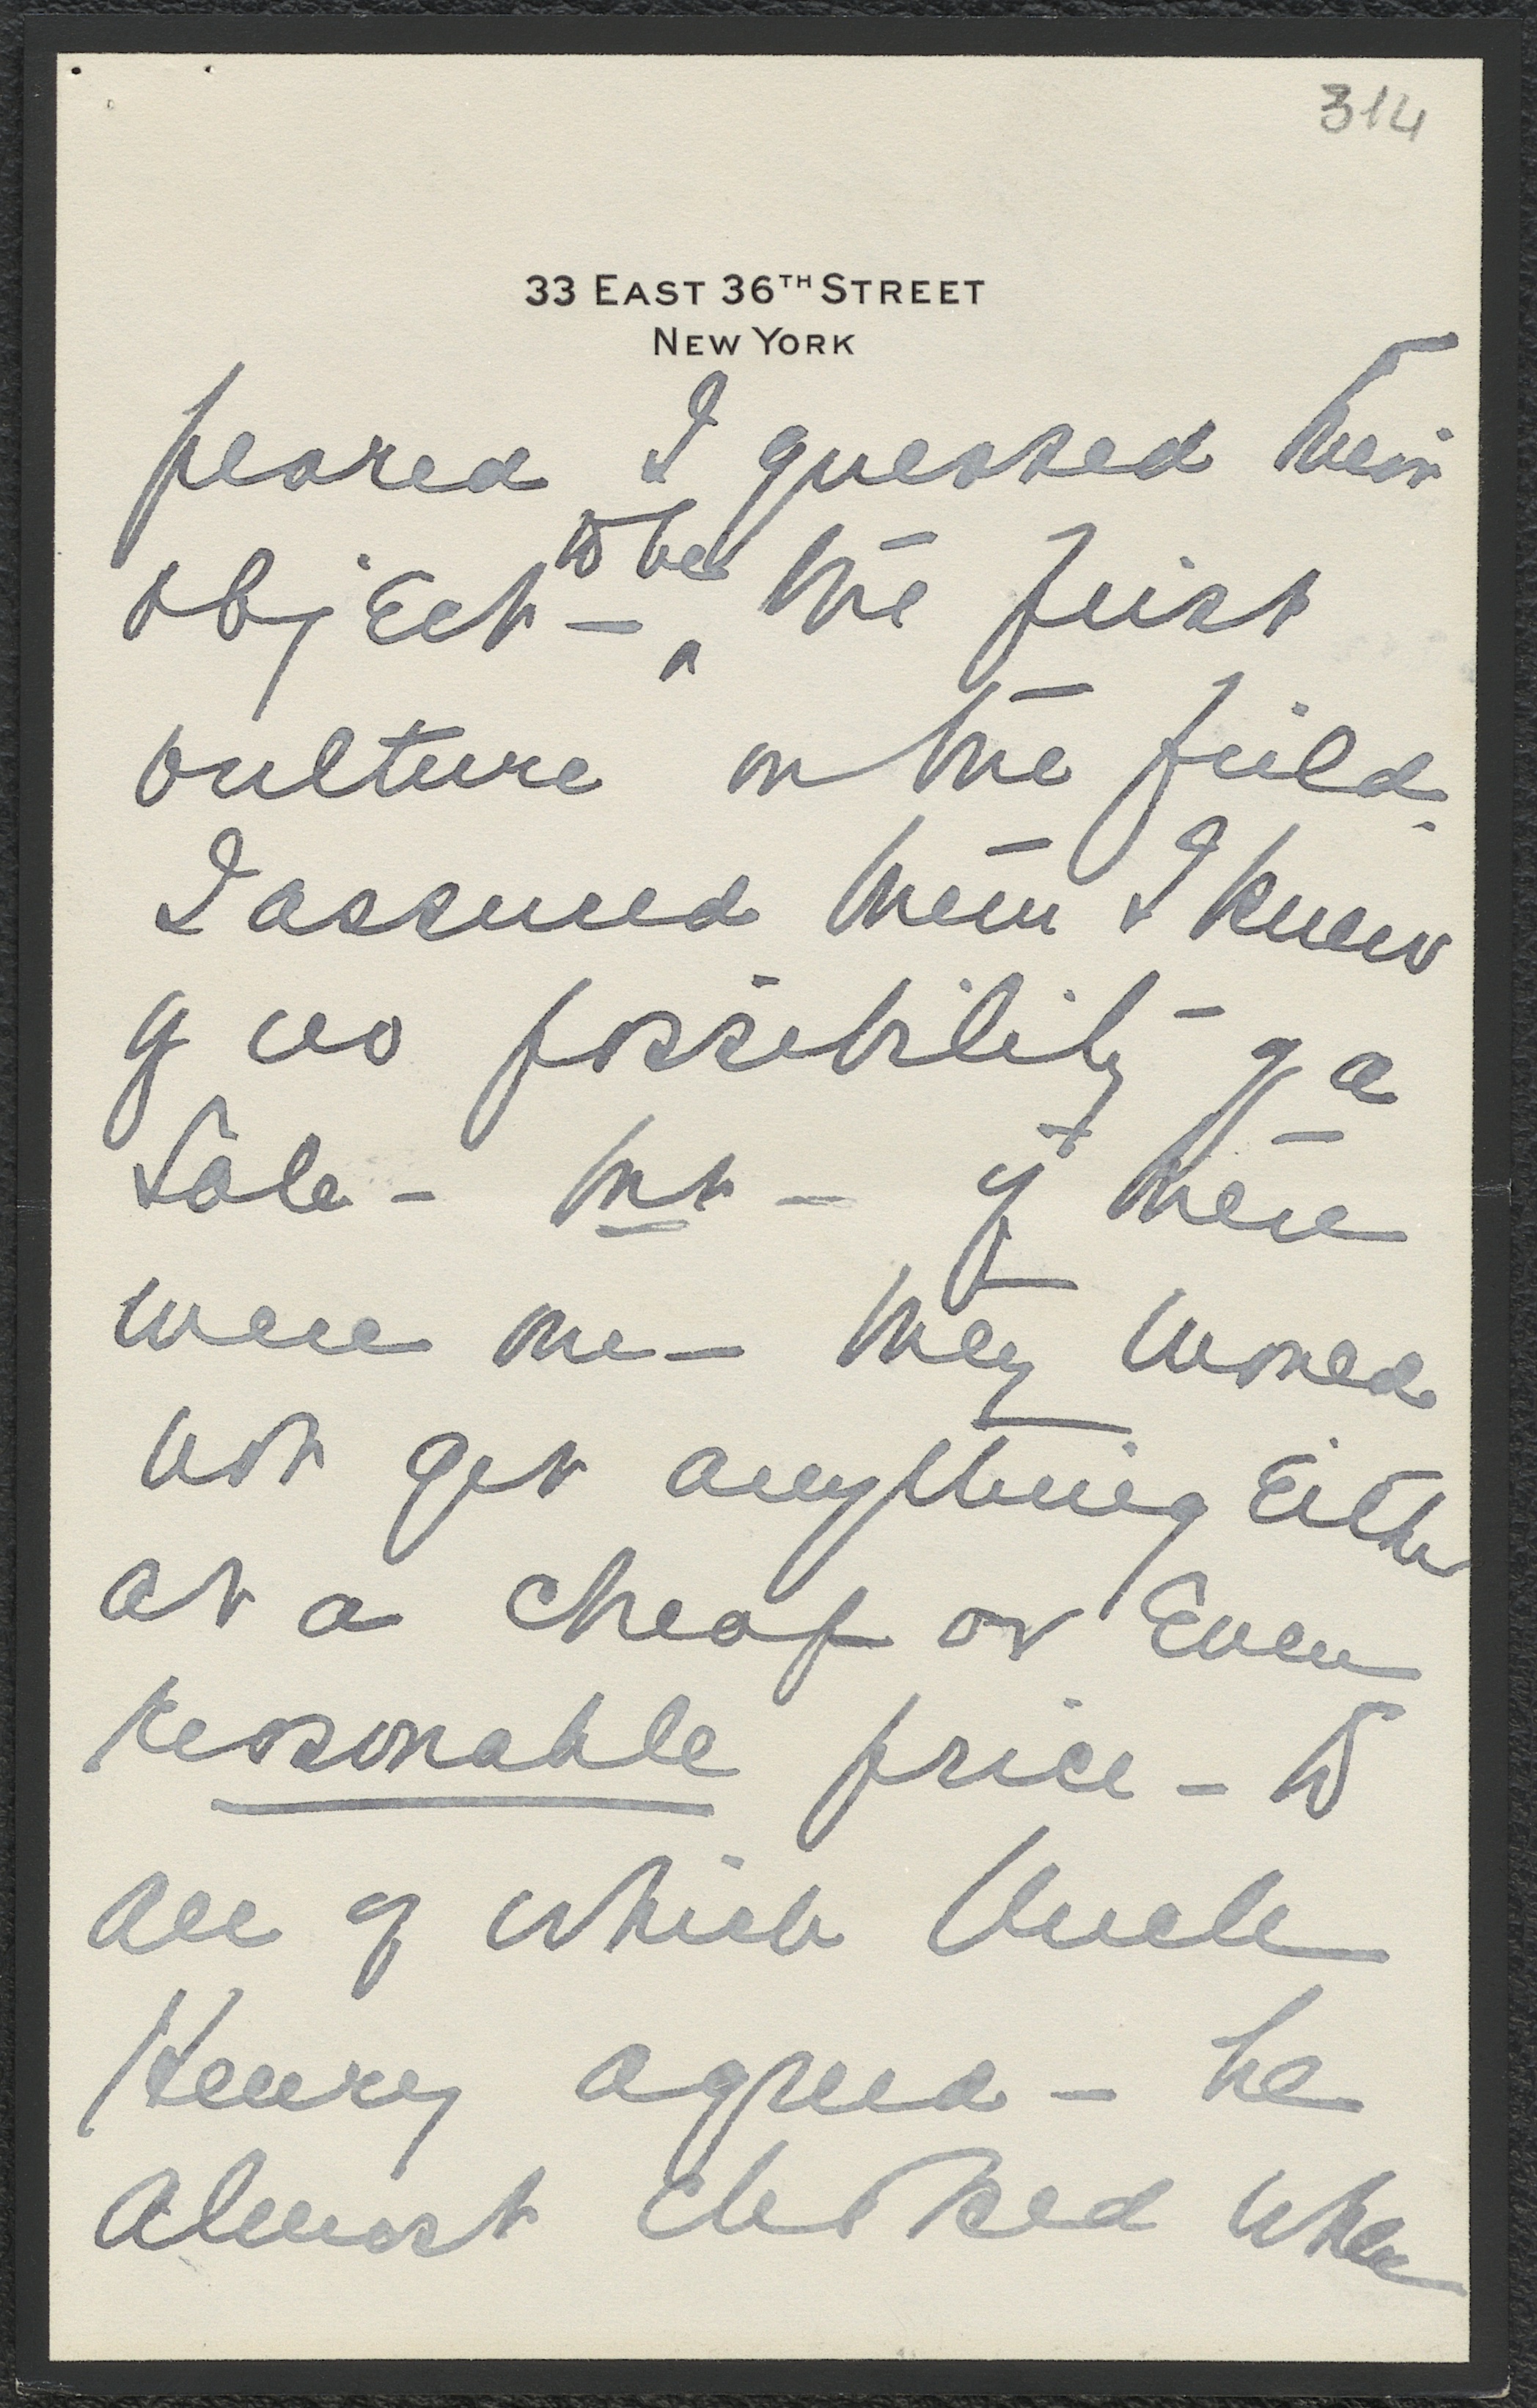I guessed their object – [^to be^] the first vulture in the field. I assured them I knew of no possibility of a sale – but – if there were one – they would not get anything either at a cheap or even reasonable price – to all of which Uncle Henry agreed – he almost choked when